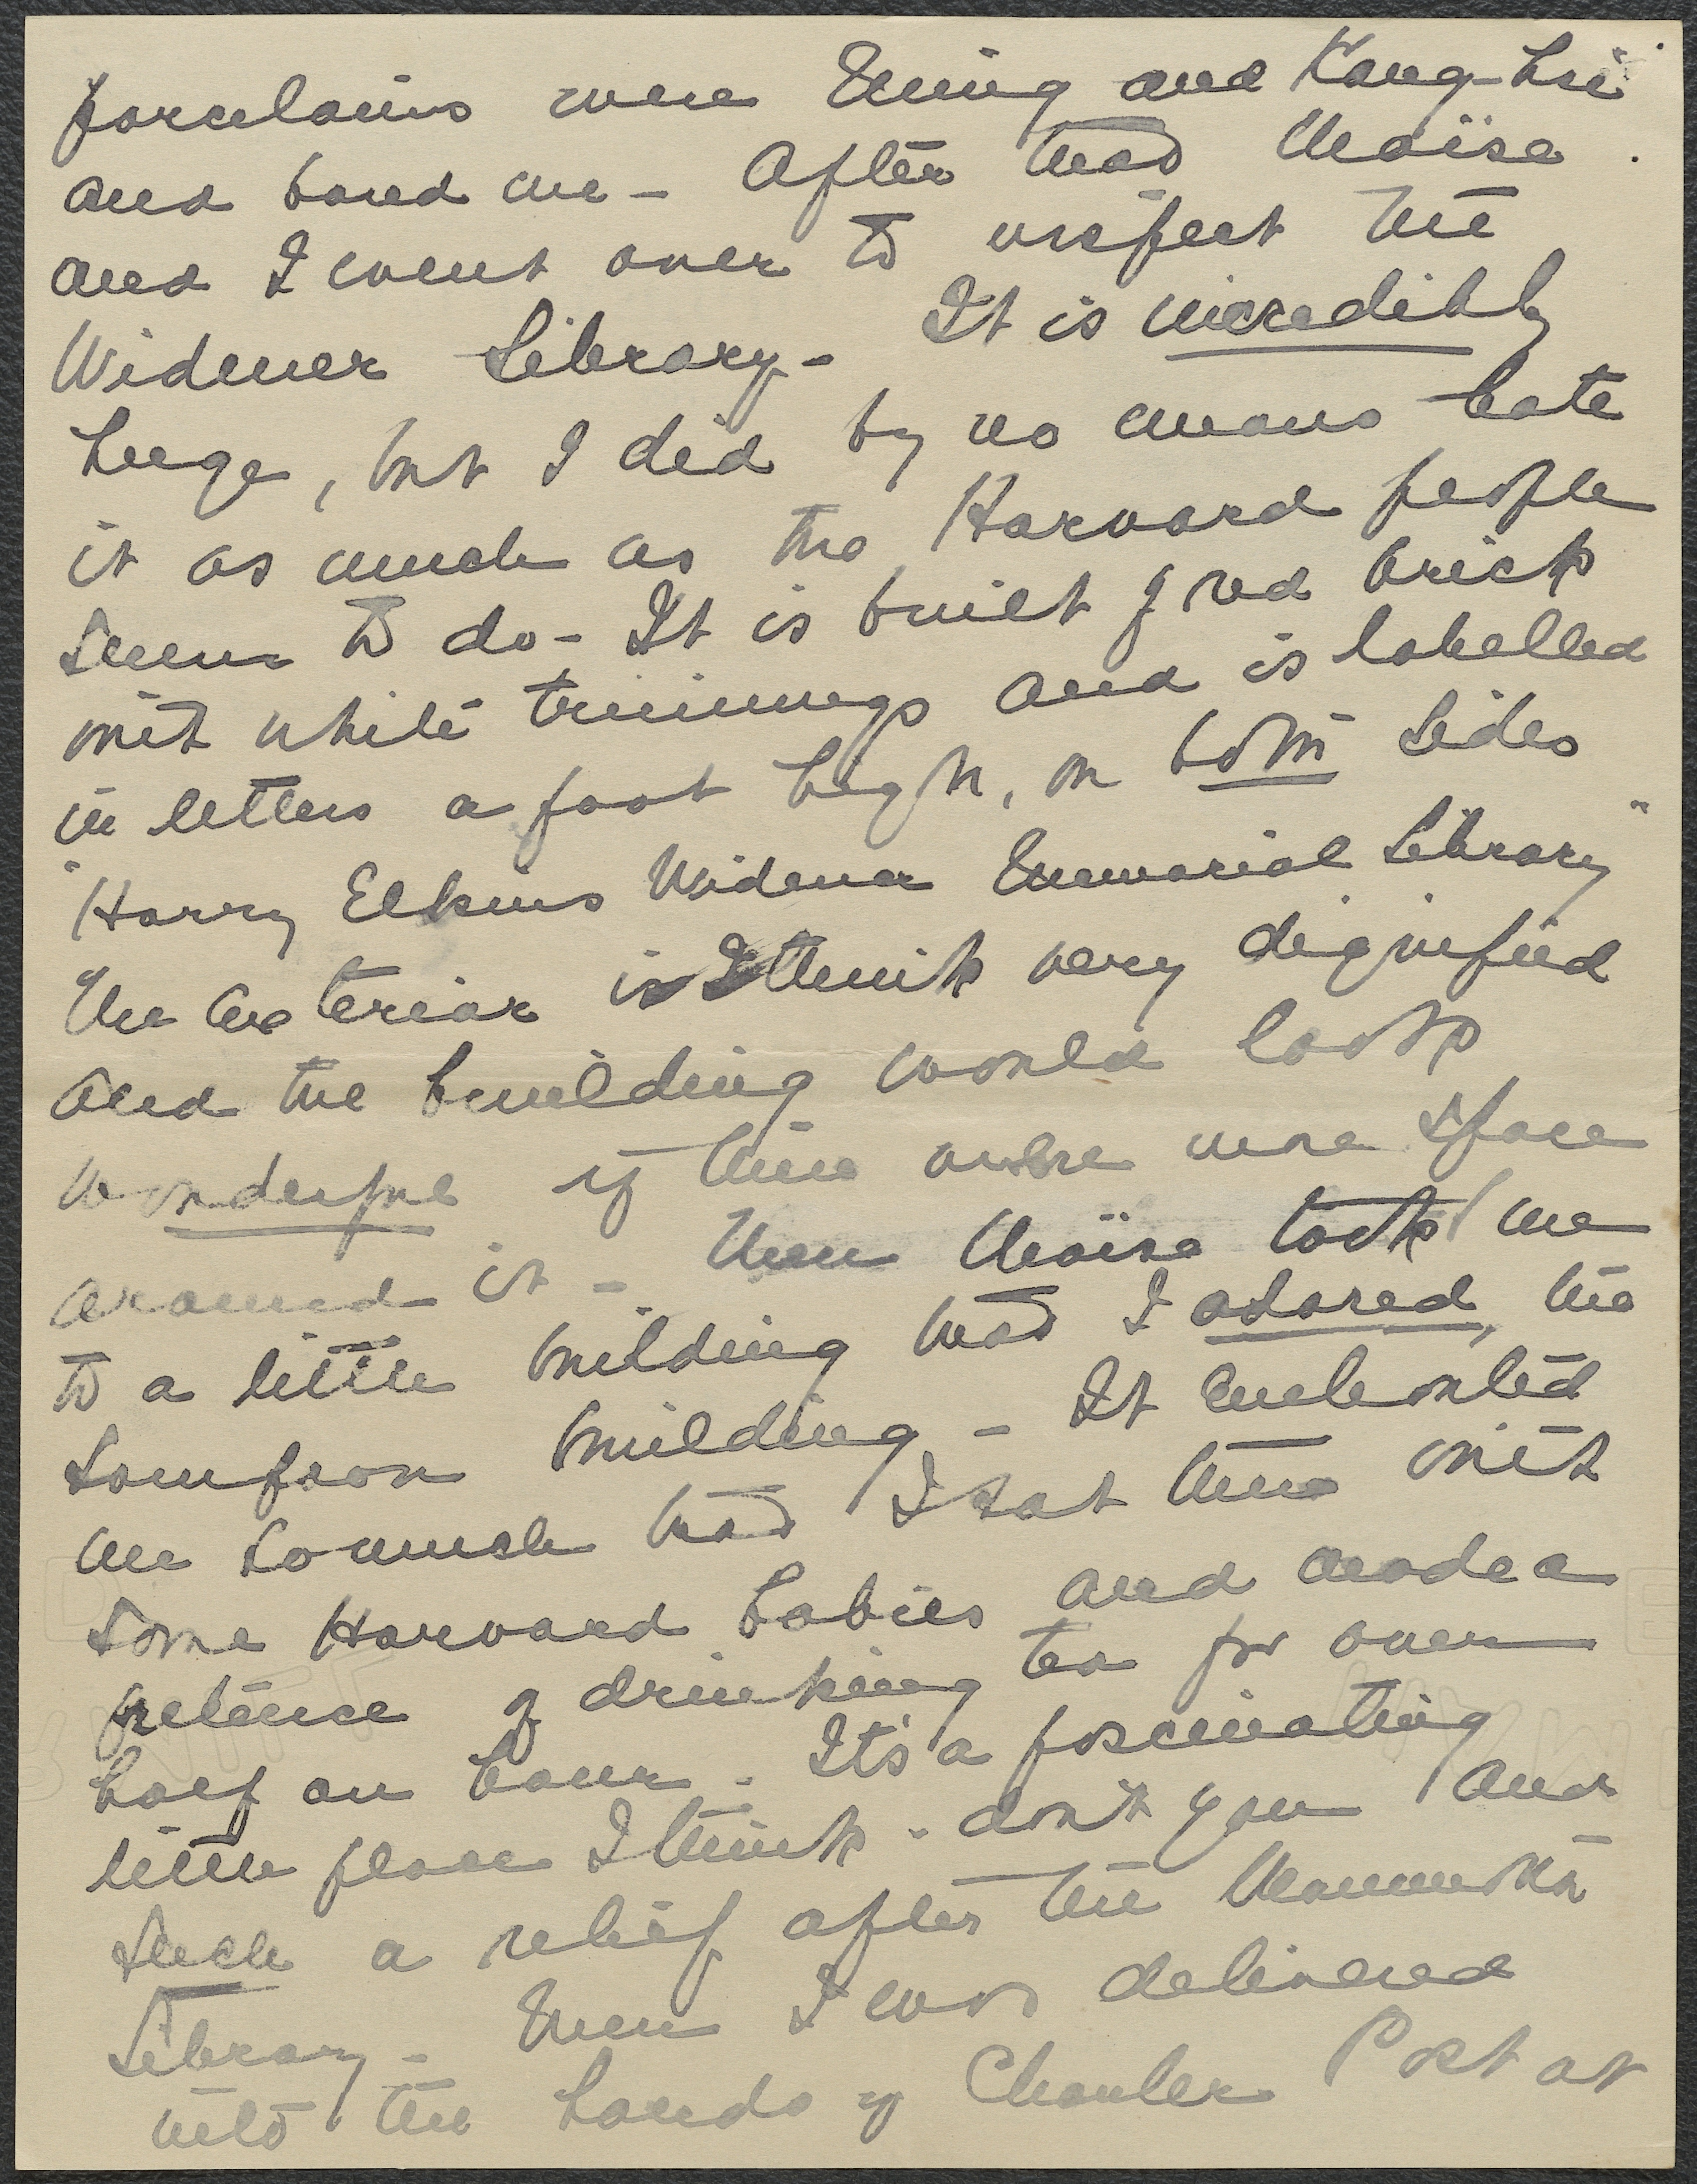porcelains were Ming and Kang-hsi and bored me – After that Moïse and I went over to inspect the Widener Library – It is incredibly huge, but I did by no means hate it as much as the Harvard people seem to do – It is built of red brick with white trimmings and is labeled in letters a foot high, on both sides “Harry Elkins Widener Memorial Library” The exterior is I think very dignified and the building would look wonderful if there were more space around it – Then Moïse took me to a little building that I adored, the Sampson building – It enchanted me so much that I sat there with some Harvard babies and made a pretence of drinking tea for over half an hour – It’s a fascinating little place I think – don’t you and such a relief after the mammoth Library – then I was delivered into the hands of Chandler Post at